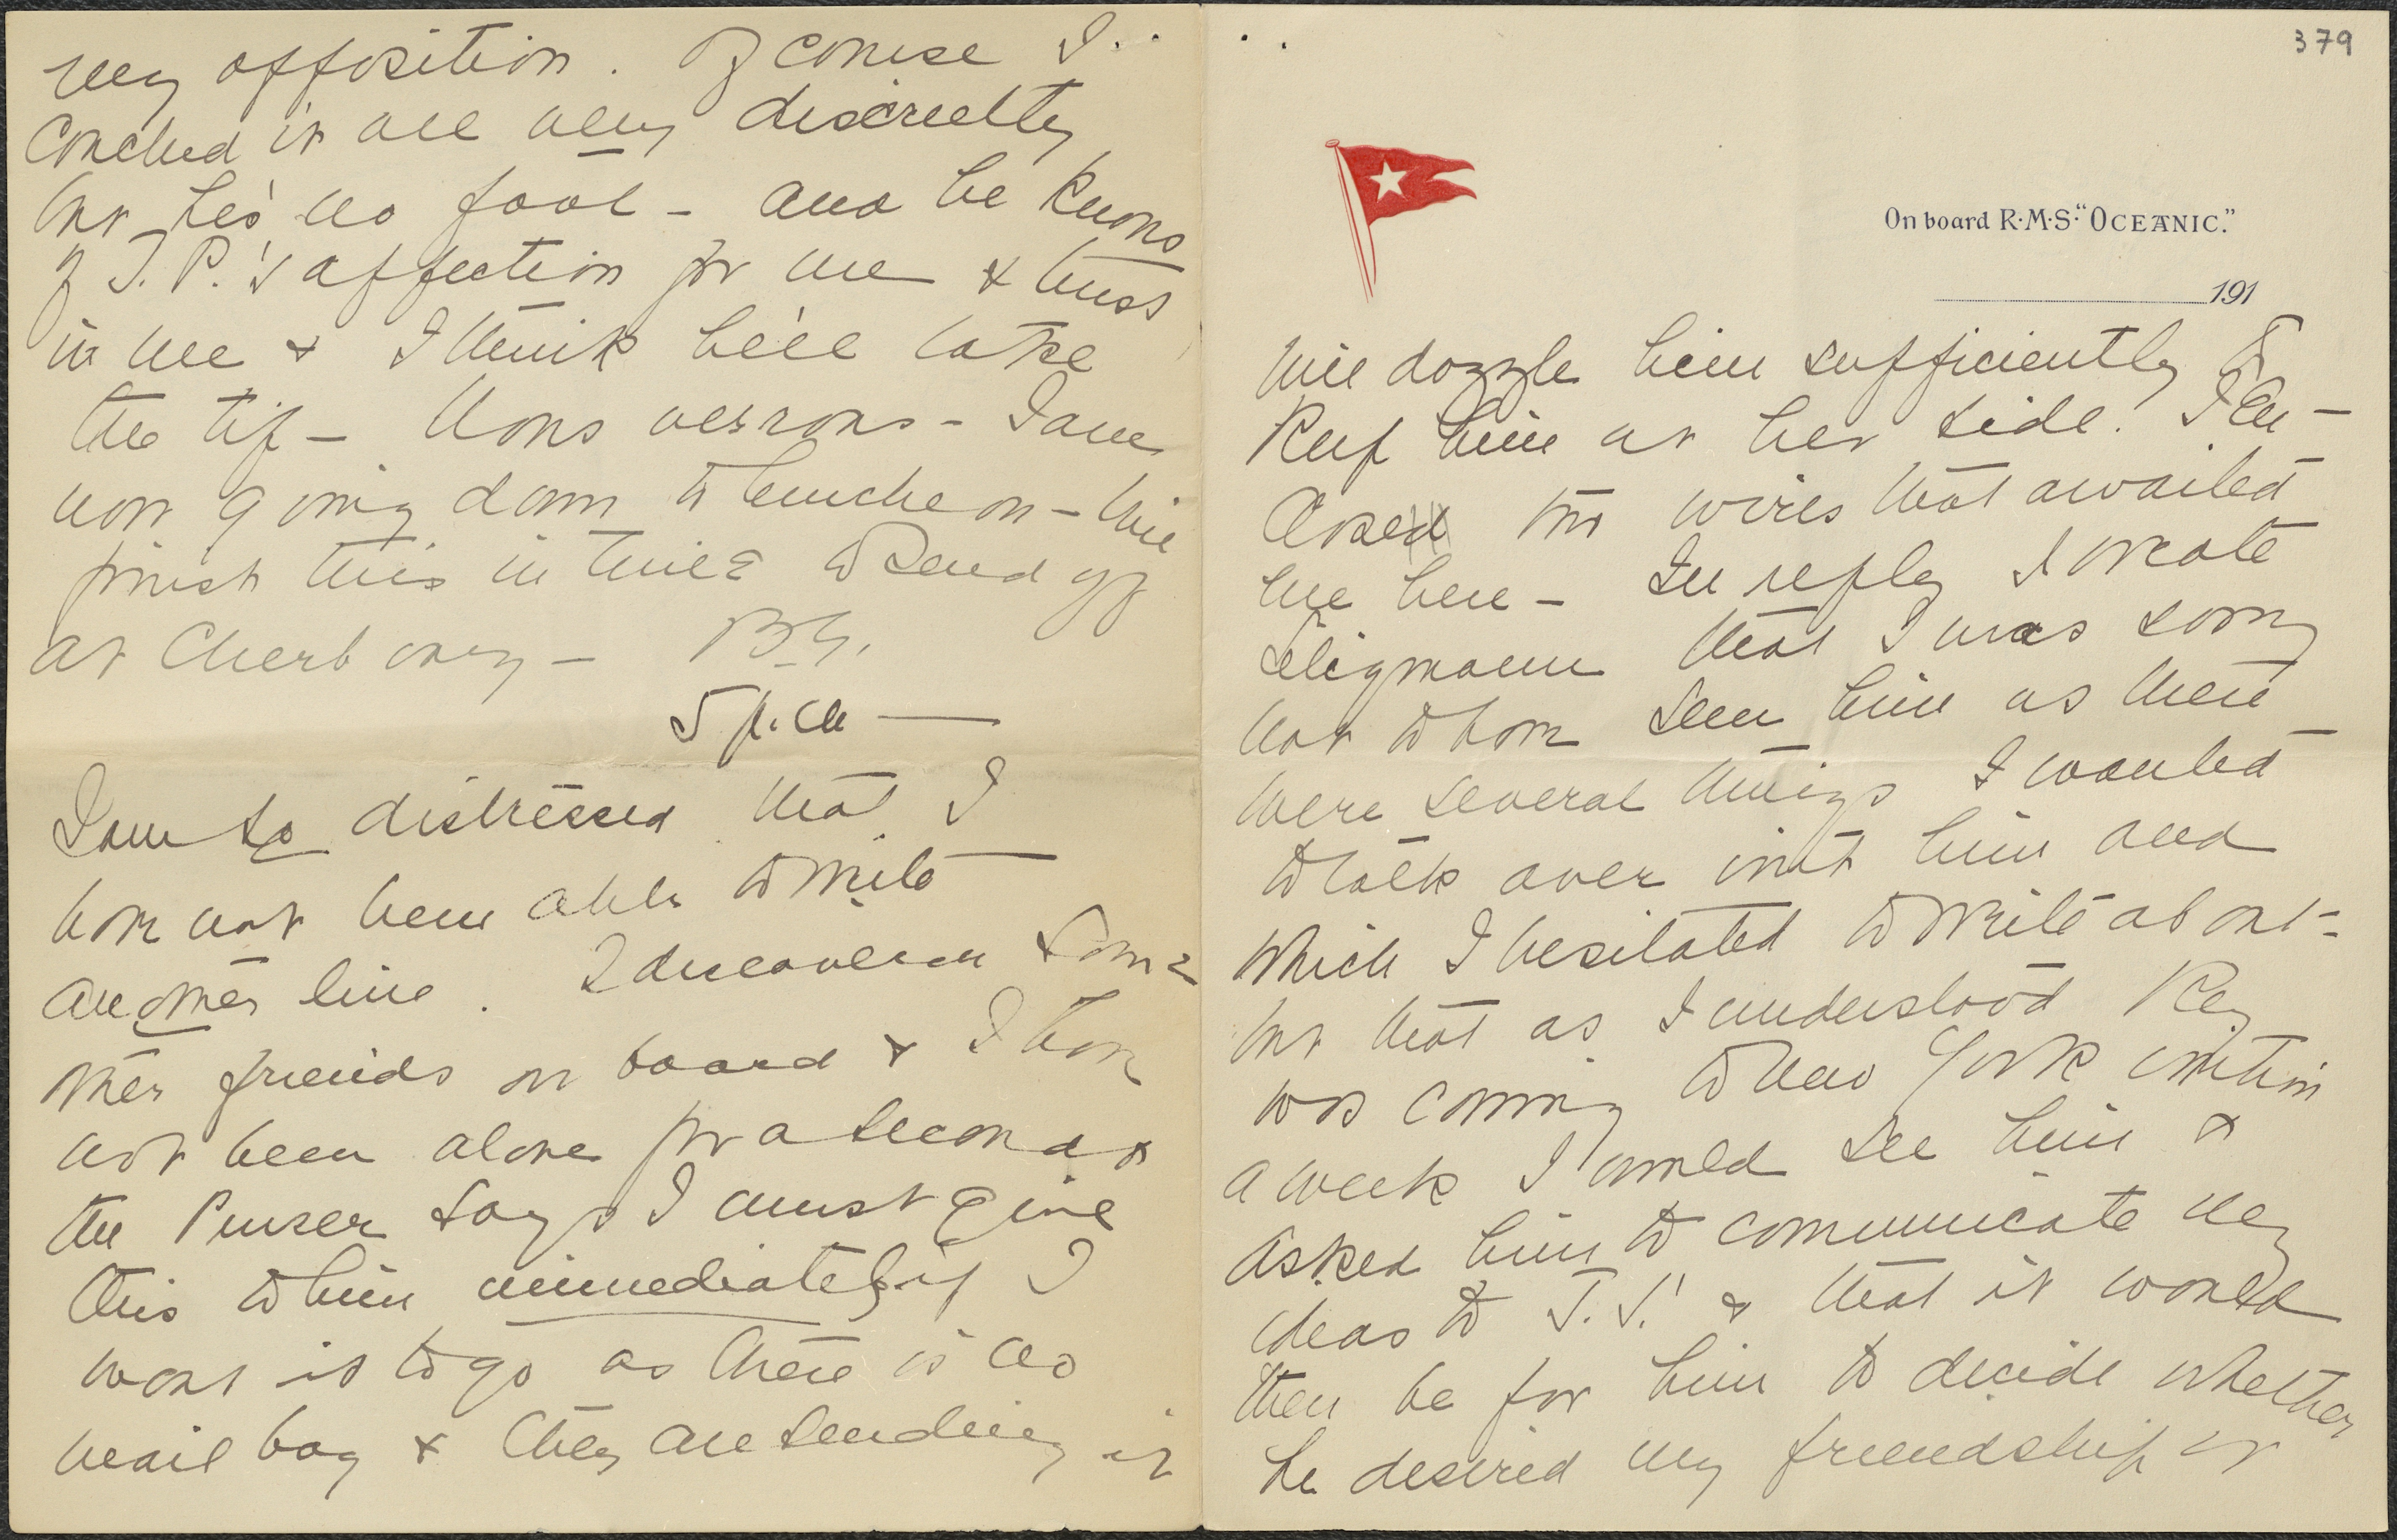will dazzle him sufficiently to keep him at her side. I enclosed two wires that awaited me here – In reply I wrote Seligmann that I was sorry not to have seen him as there were several things I wanted to talk over with him and which I hesitated to write about – but that as I understood Rey was coming to New York within a week I would see him & asked him to communicate my ideas to J. S. & that it would then be for him to decide whether he desired my friendship or
my opposition. of course I couched it all very discreetly but he’s no fool – and he knows of J. P.’s affection for me & trust in me & I think he’ll take the tip – Nous verrons – I am not going down to luncheon – will finish this in time to send off at Cherbourg – B. G.
5 p.m –
I am so distressed that I have not been able to write another line. I discovered some other friends on board & I have not been alone for a second & the Purser says I must give this to him immediately if I want it to go as there is no mail boy & they are sending it